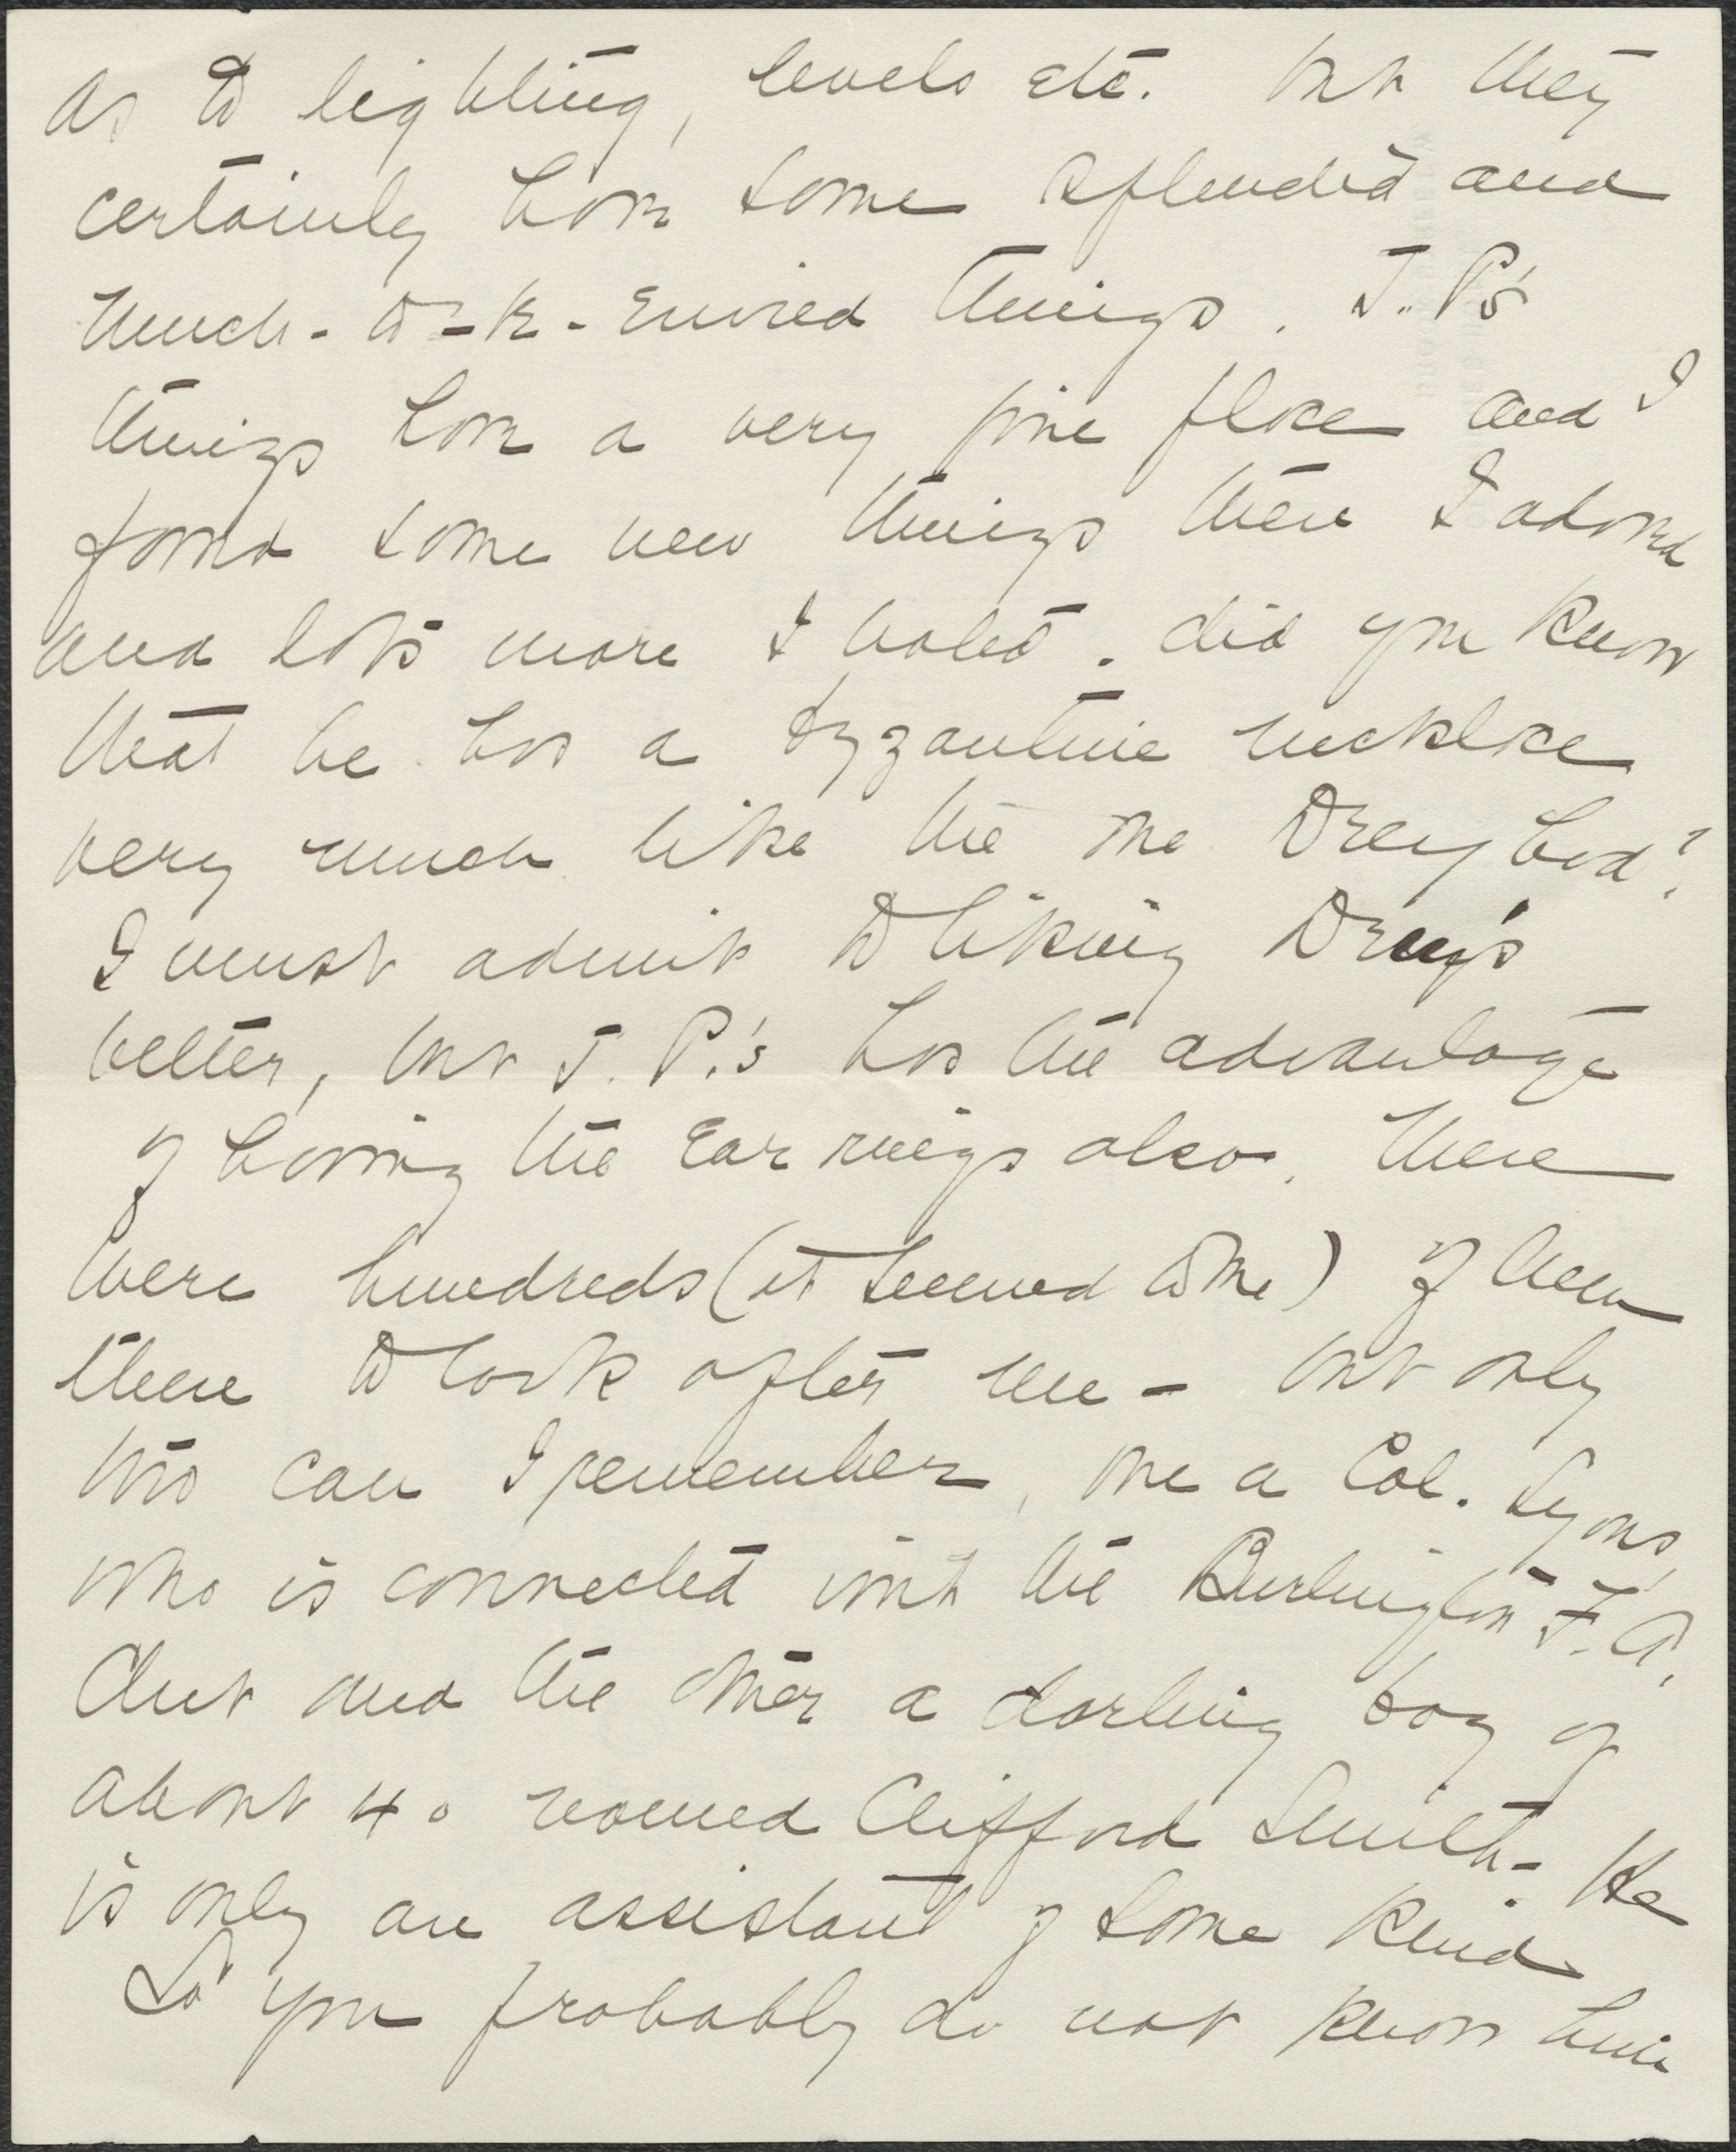as to lighting, levels etc. but they certainly have some splendid and much-to-be-envied things. J. P’s things have a very fine place and I found some new things there I adored and lots more I hated – did you know that he has a byzantine necklace very much like the one Drey had? I must admit to liking Drey’s better, but J.P.’s has the advantage of having the earrings also. There were hundreds (it seemed to me) of men there to look after me – but only two can I remember – one a Col. Lyons who is connected with the Burlington F. A. Club and the other a darling boy of about 40 named Clifford Smith – He is only an assistant of some kind so you probably do not know him